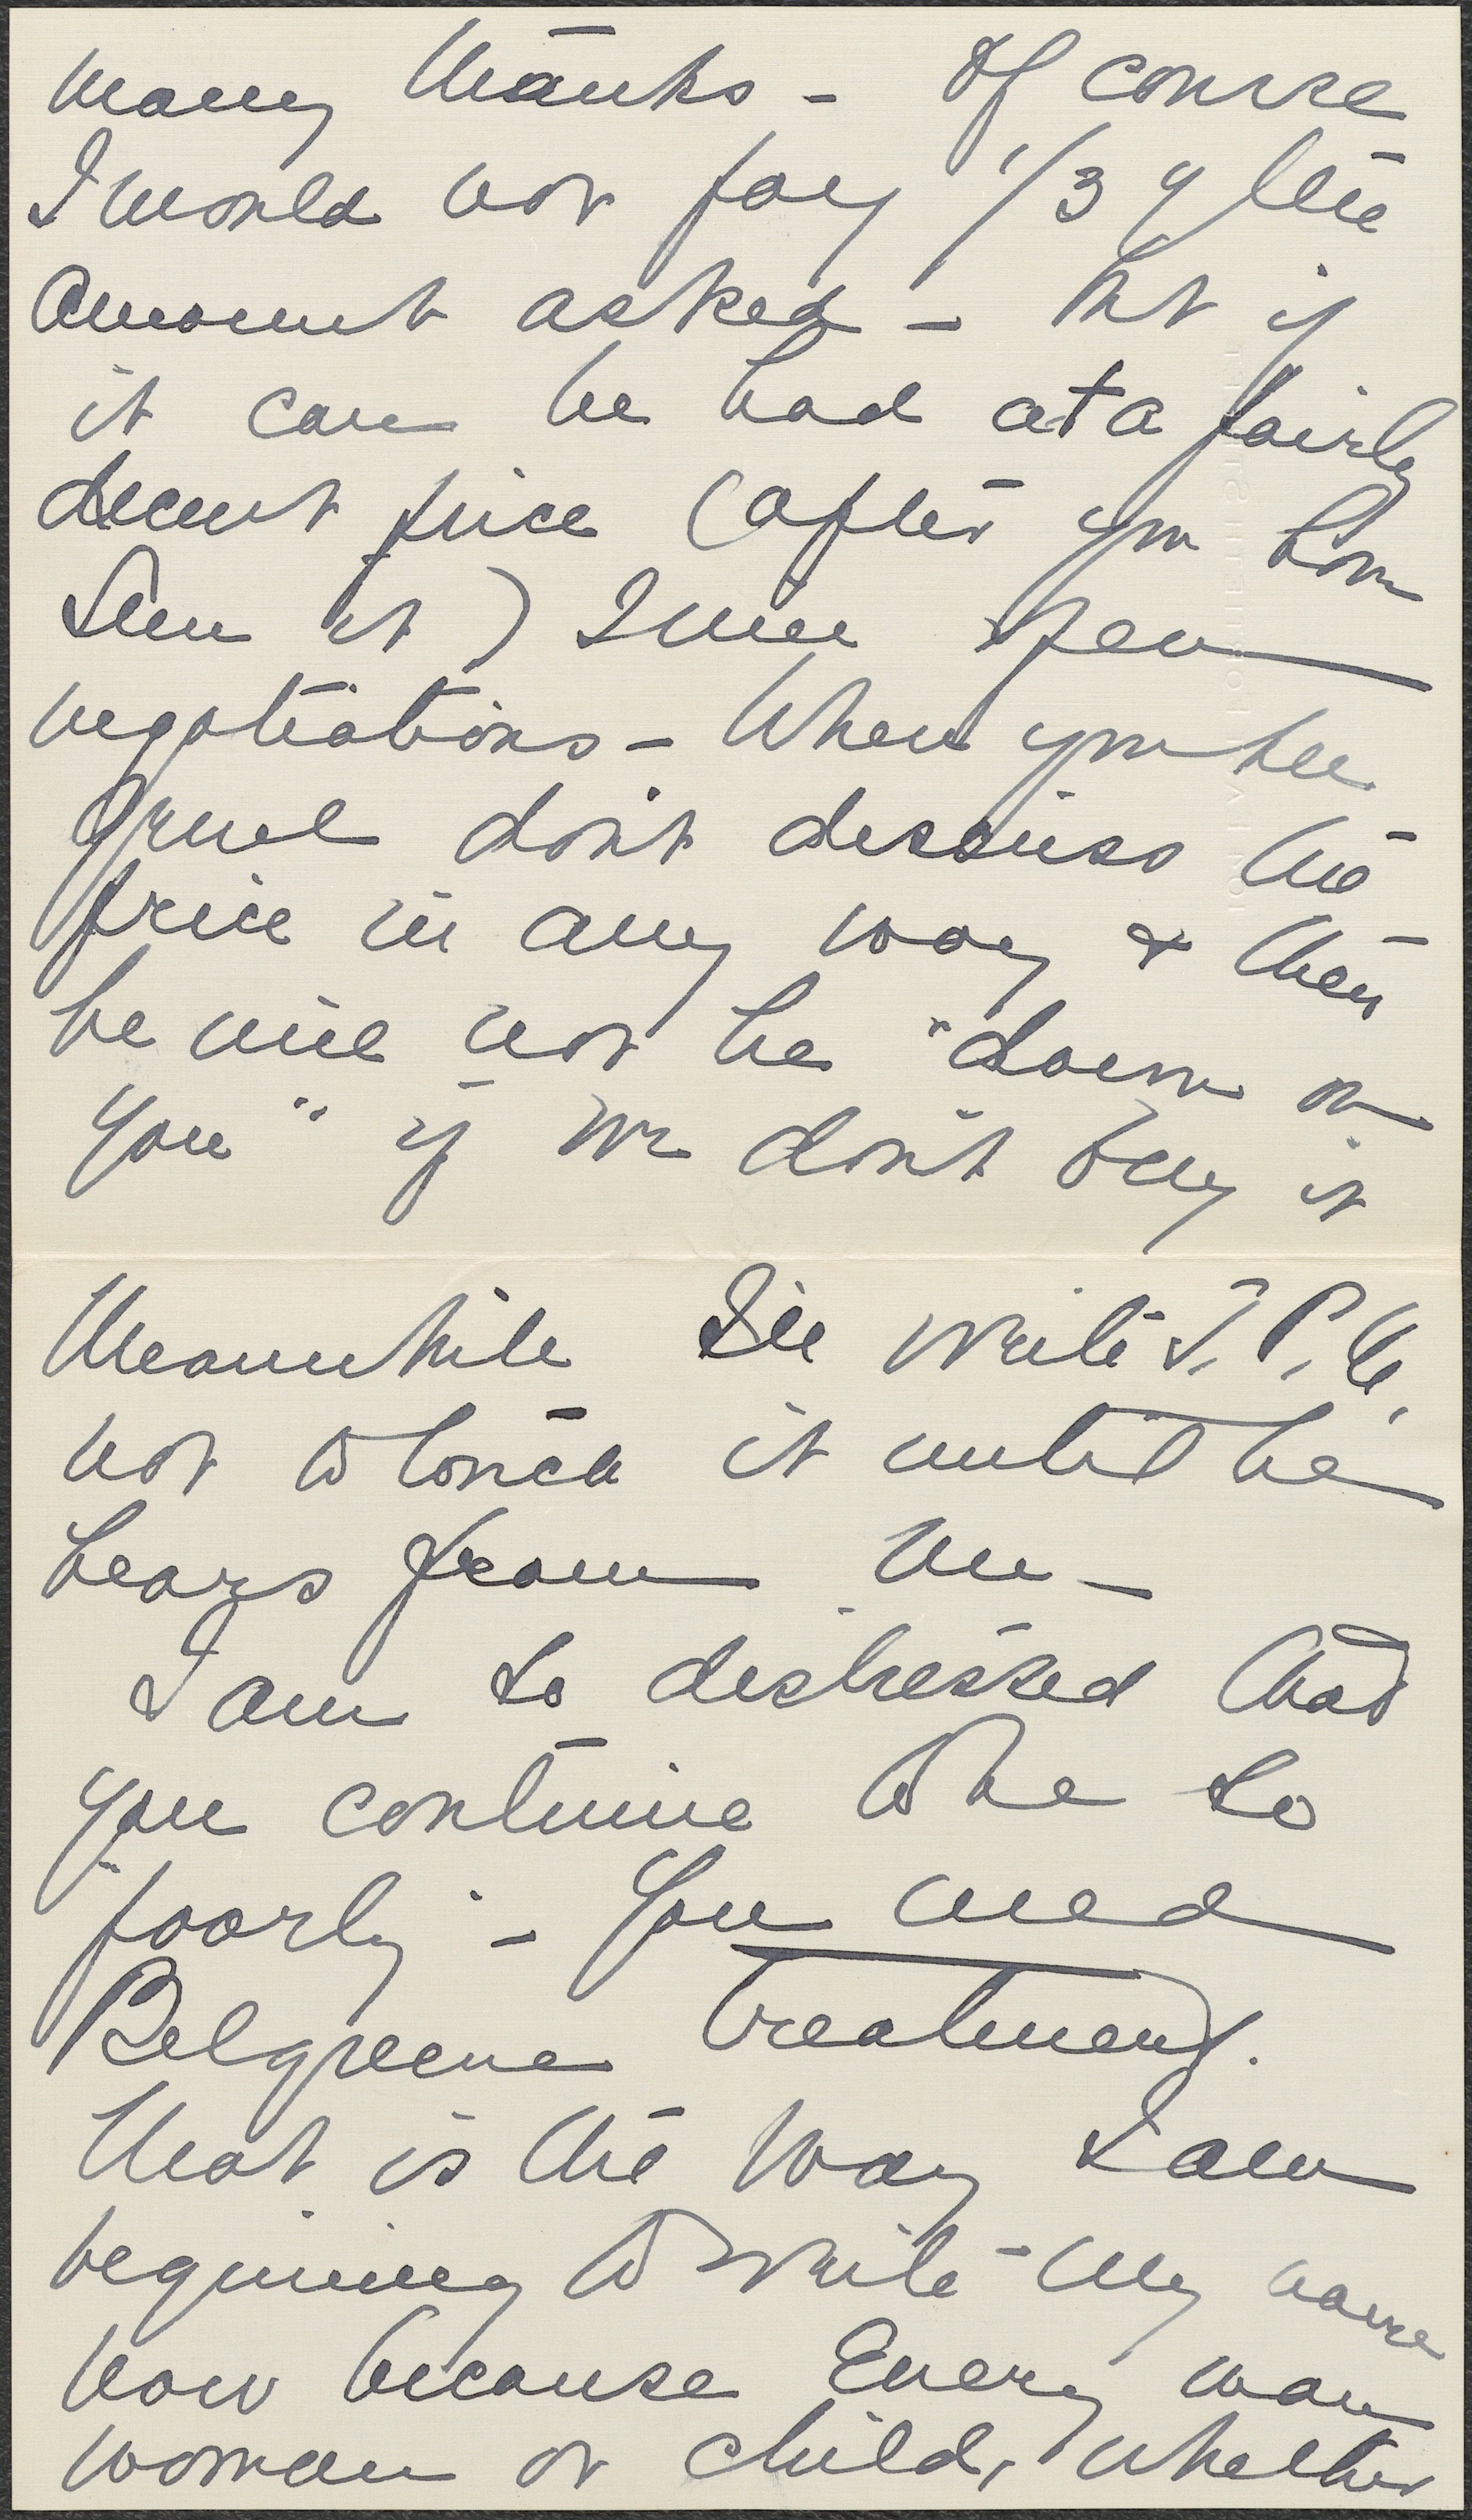many thanks – of course I would not pay ⅓ of the amount asked – but if it can be had at a fairly decent price (after you have seen it) I will open negotiations – When you see Gruel don’t dismiss the price in any way & then he will not be “down on you” if we dont buy it meanwhile I’ll write J. P. M. not to touch it until he hears from me –
I am so distressed that you continue to be so poorly – you need Belgreene treatment. That is the way I am beginning to write my name now because every man woman or child, whether